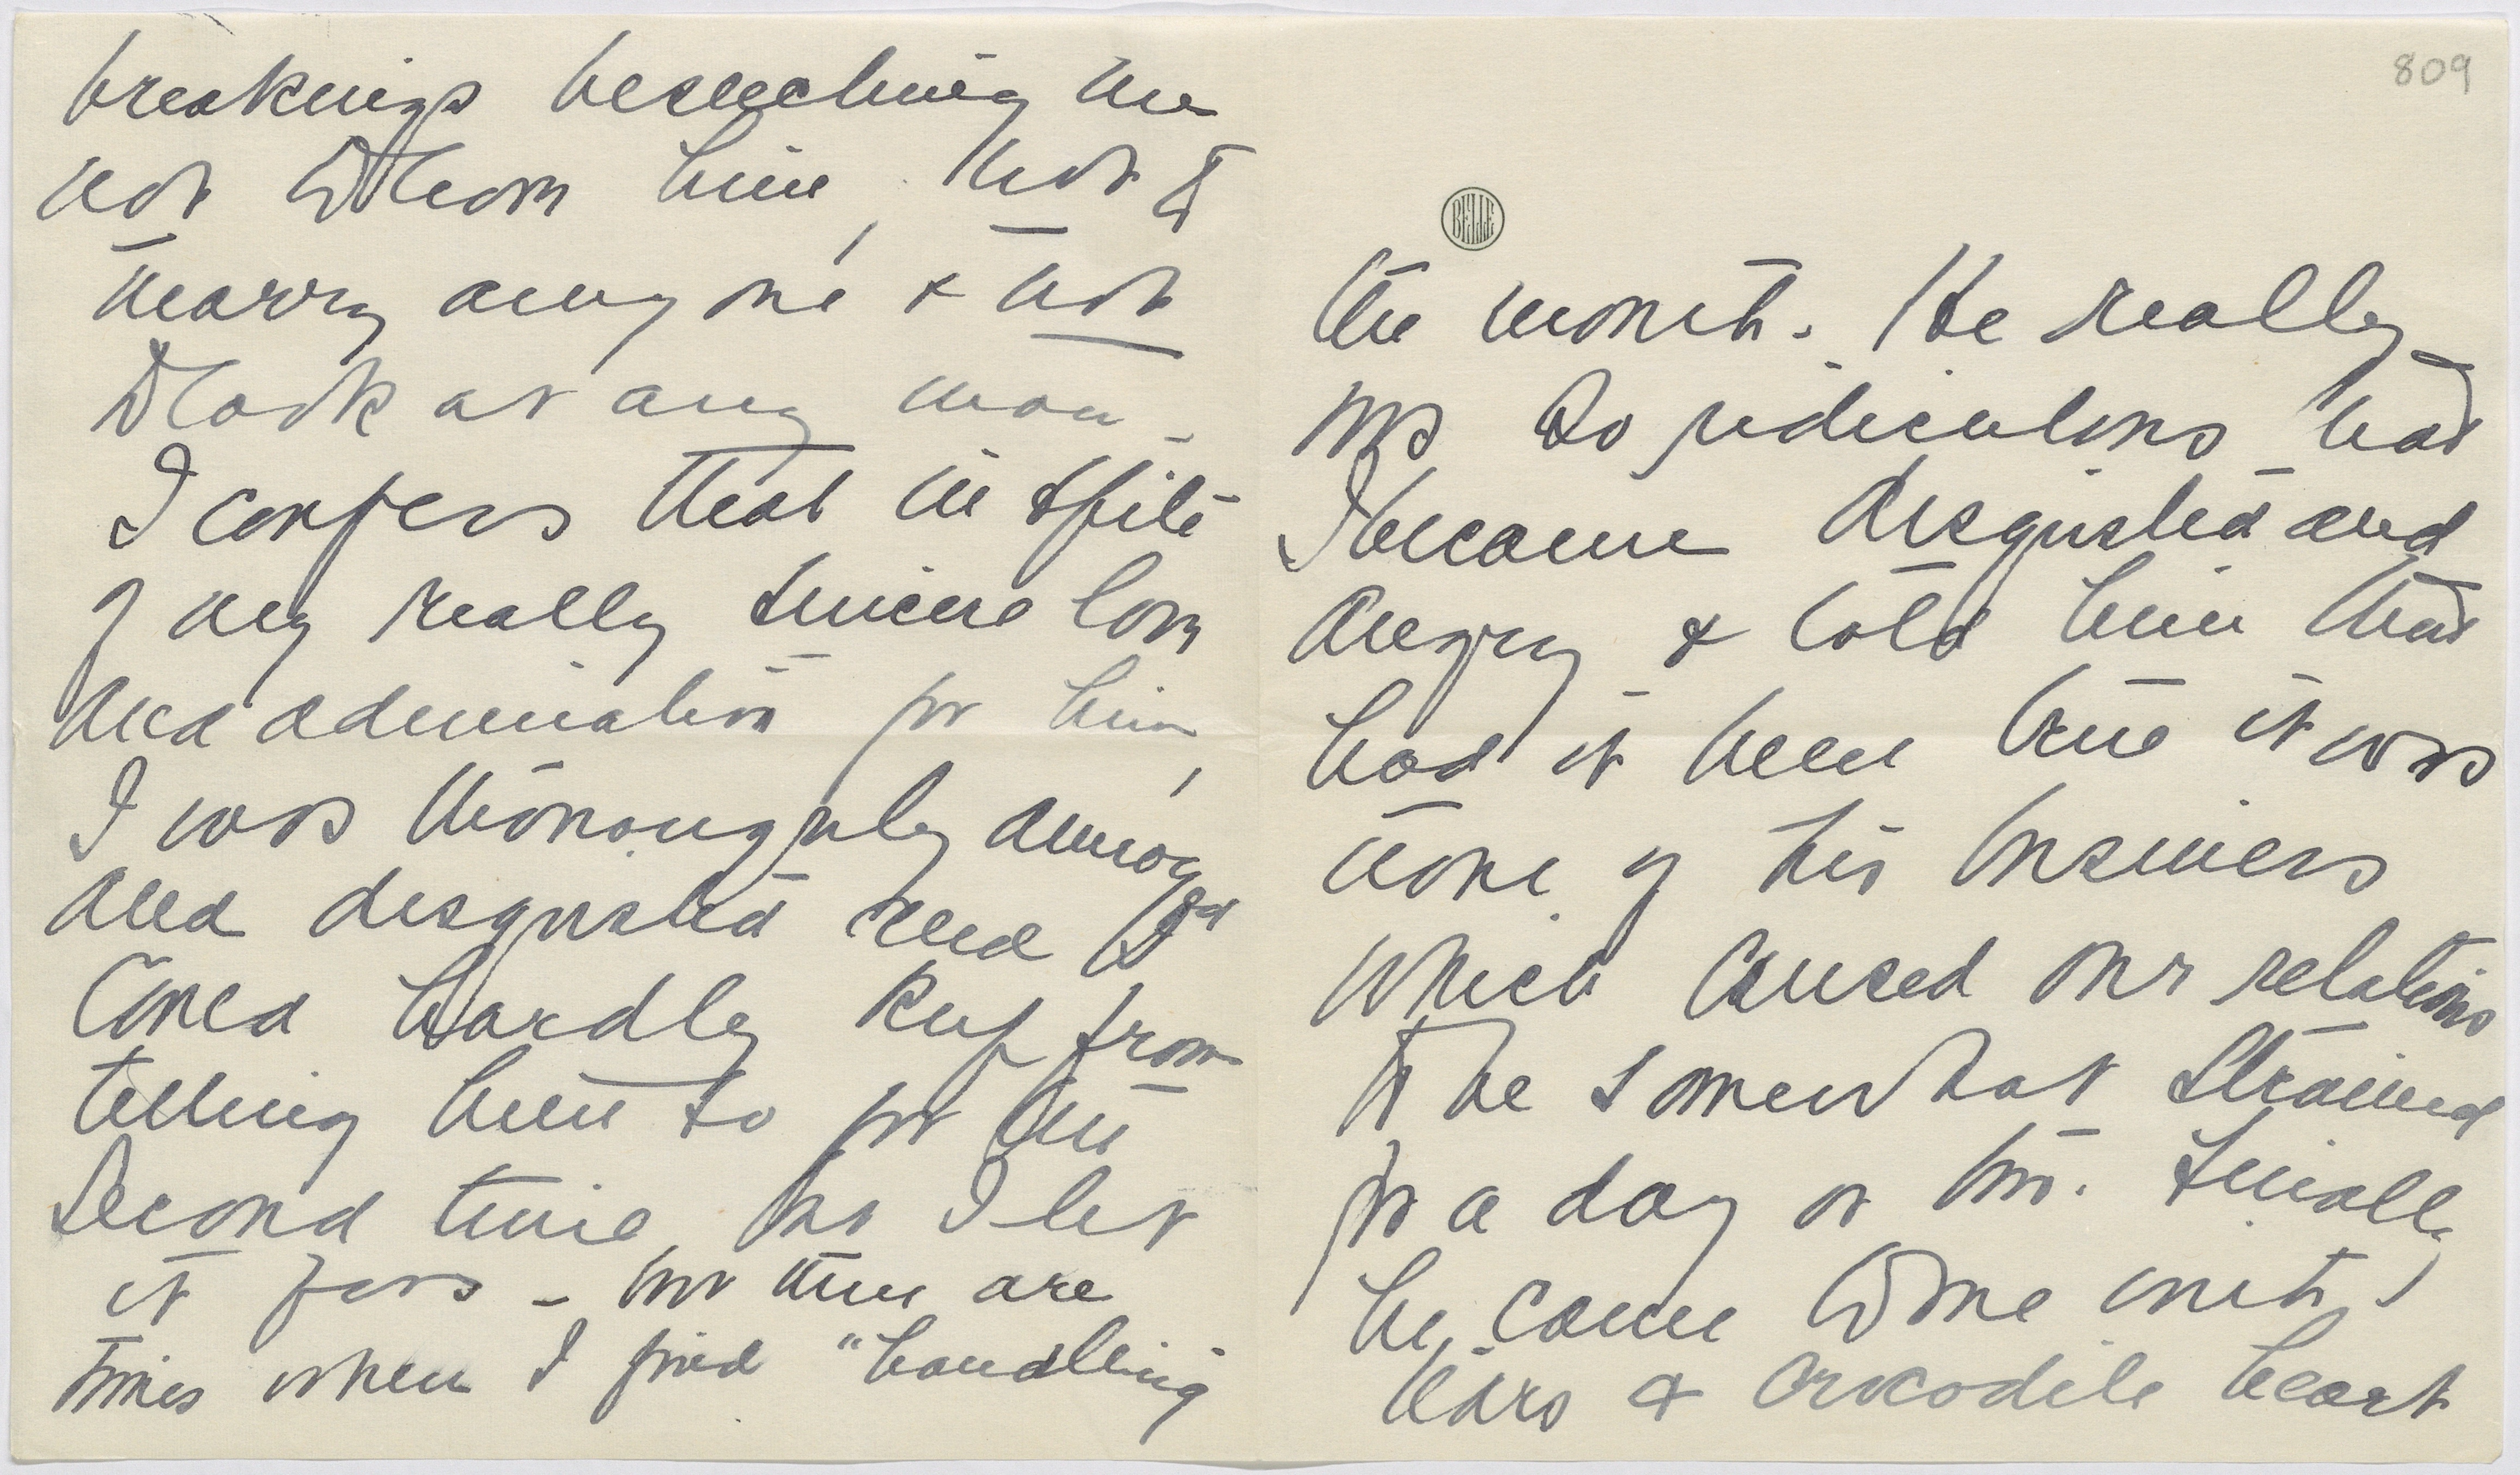the mouth. He really was so ridiculous that I became disgusted and angry & told him that had it been true it was none of his business which caused our relations to be somewhat strained for a day or two. Finally he came to me with tears & crocodile heart
breakings beseeching me not to leave him, not to marry any one & not to look at any man –
I confess that in spite of my really sincere love and admiration for him, I was thoroughly annoyed and disgusted and I could hardly keep from telling him so for the second time, but I let it pass – but there are times when I find “handling